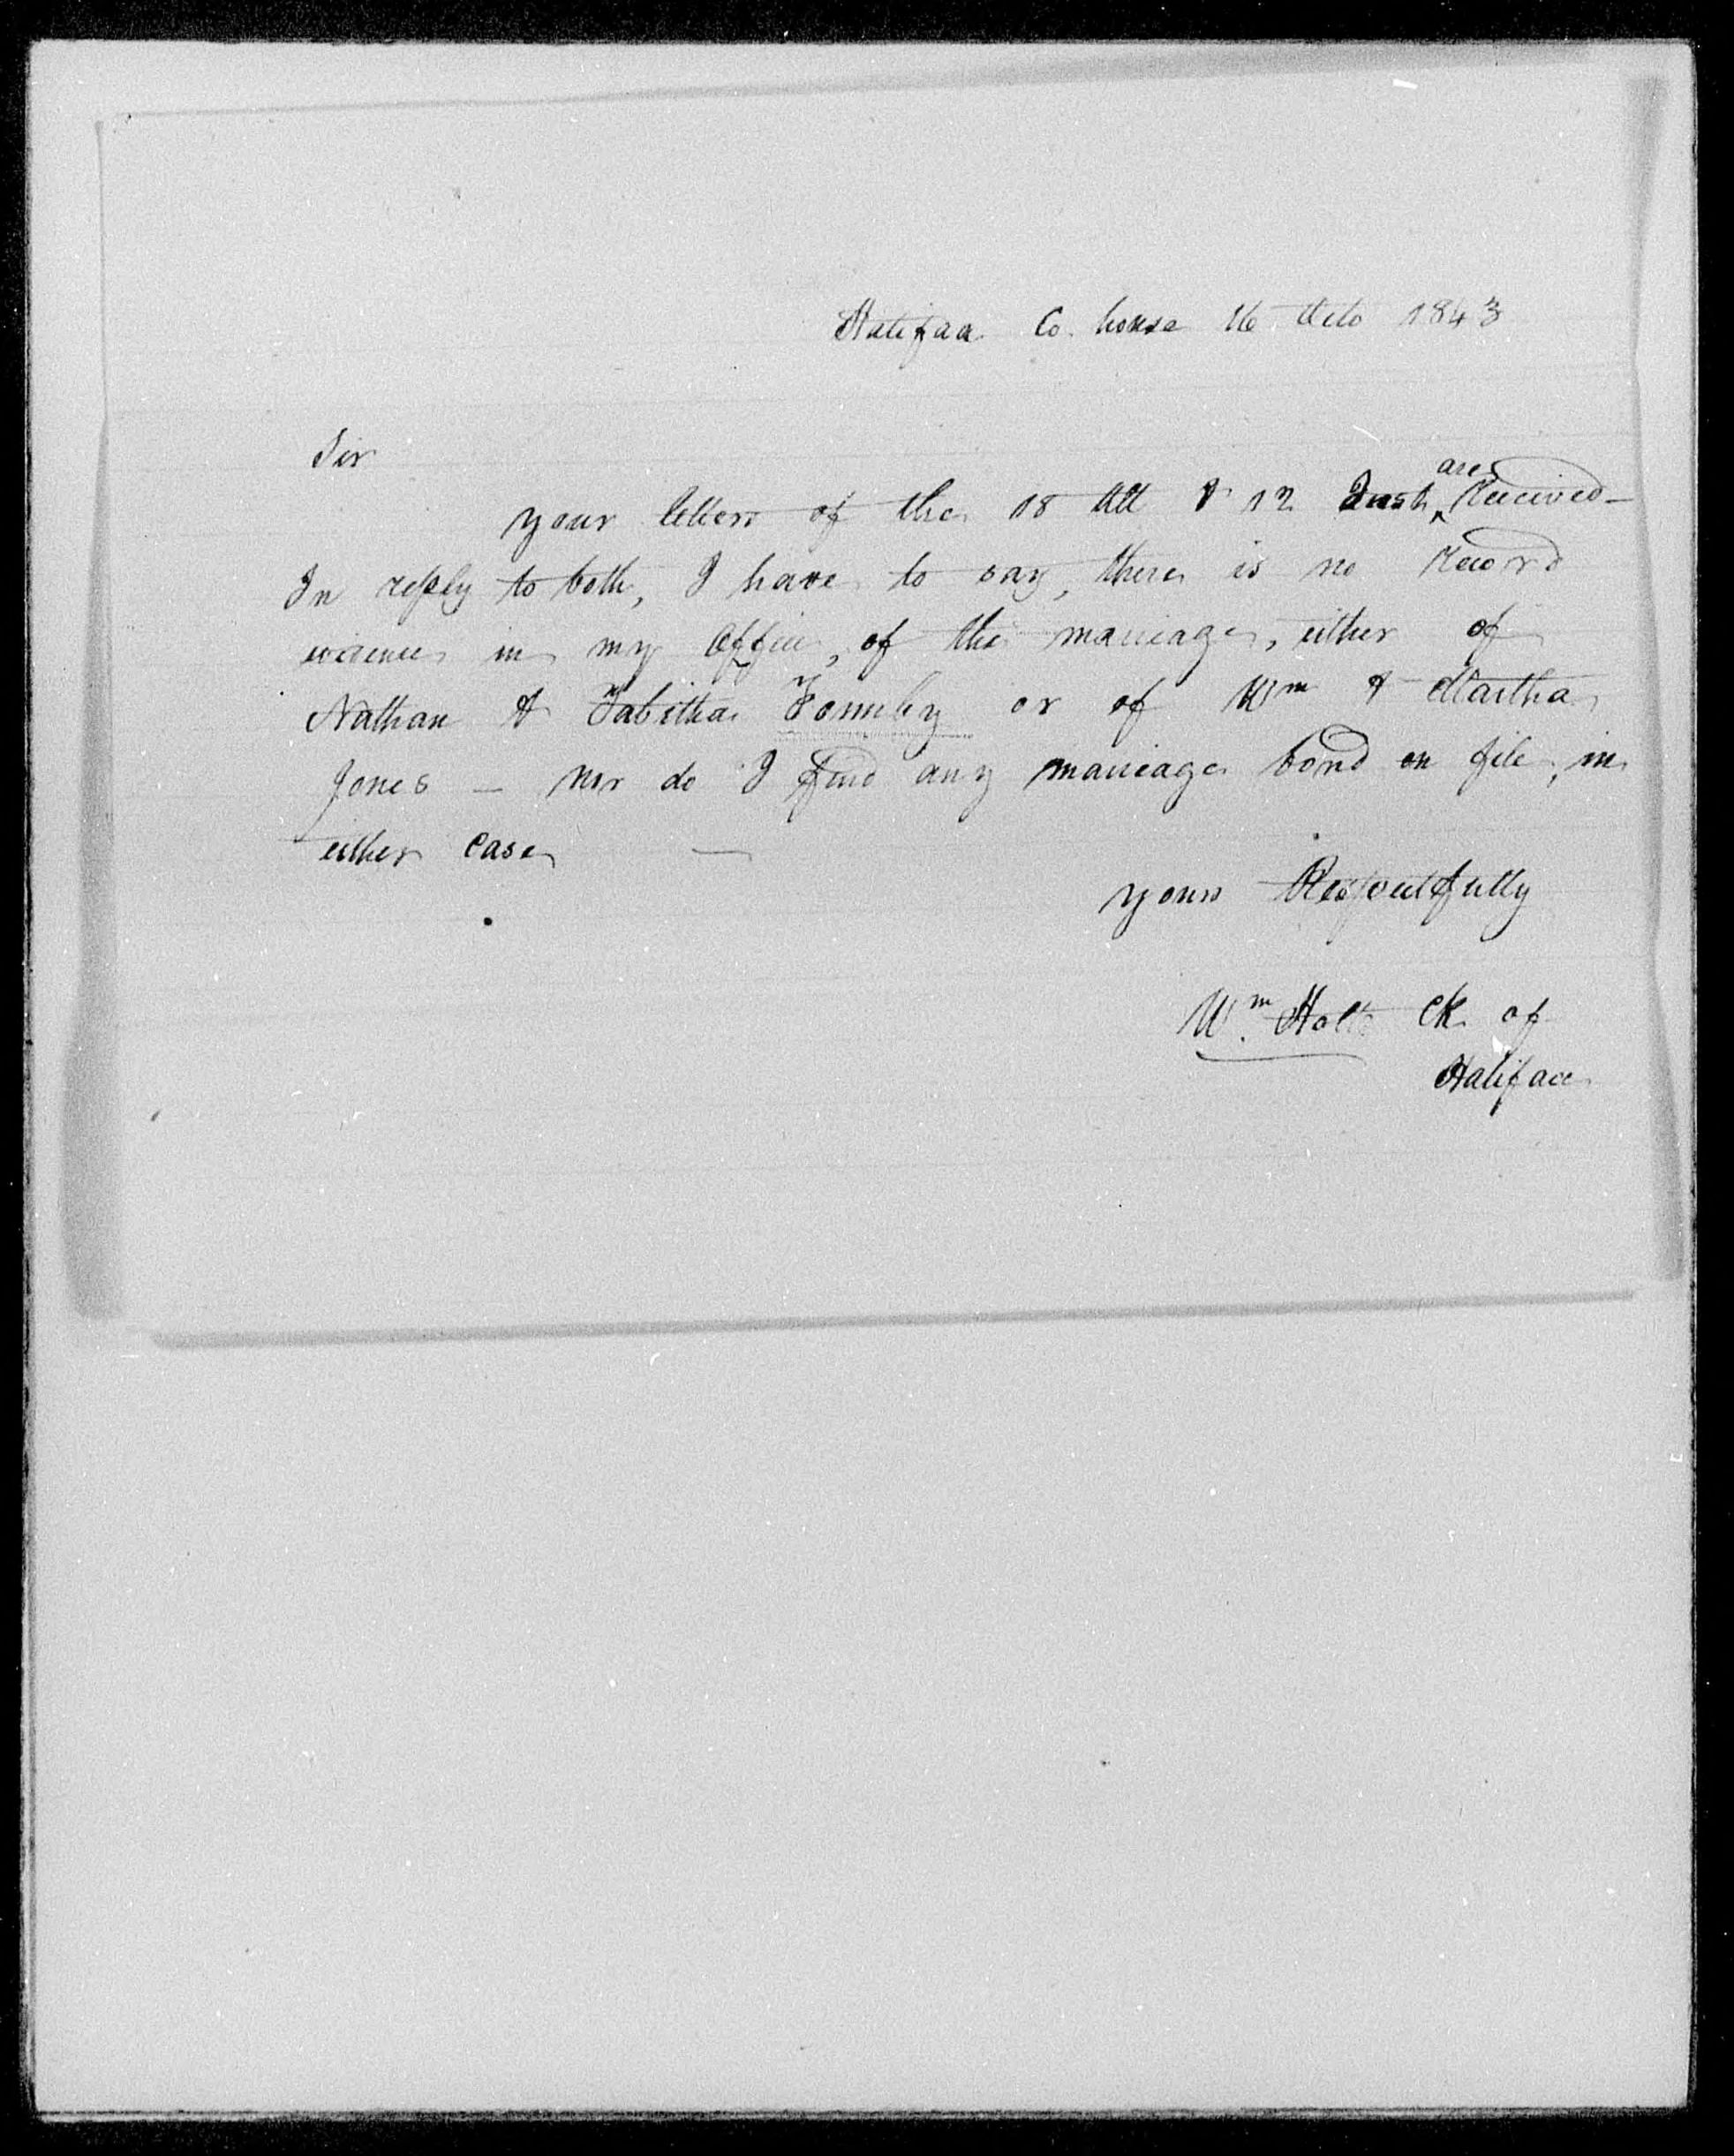Slatifaa Co. house 16 [illegible] 1843

Sir
your letter of the 18 all & 12 [illegible] are Received
In reply to both, I have to say, there is no record [illegible] in my Office, of the marriage, either of Nathan & Tabitha Formby or of Wm [William] & Martha Jones - nor do I find any marriage bond on file, in either case -

Yours Respectfully
Wm Holt Ck of Haliface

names: Tabitha Formby, Nathan Formby, Wm Jones, Wm Holt, Martha Jones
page: 32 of 54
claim: widow's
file: W. 3794, Nathan Formby, Va.